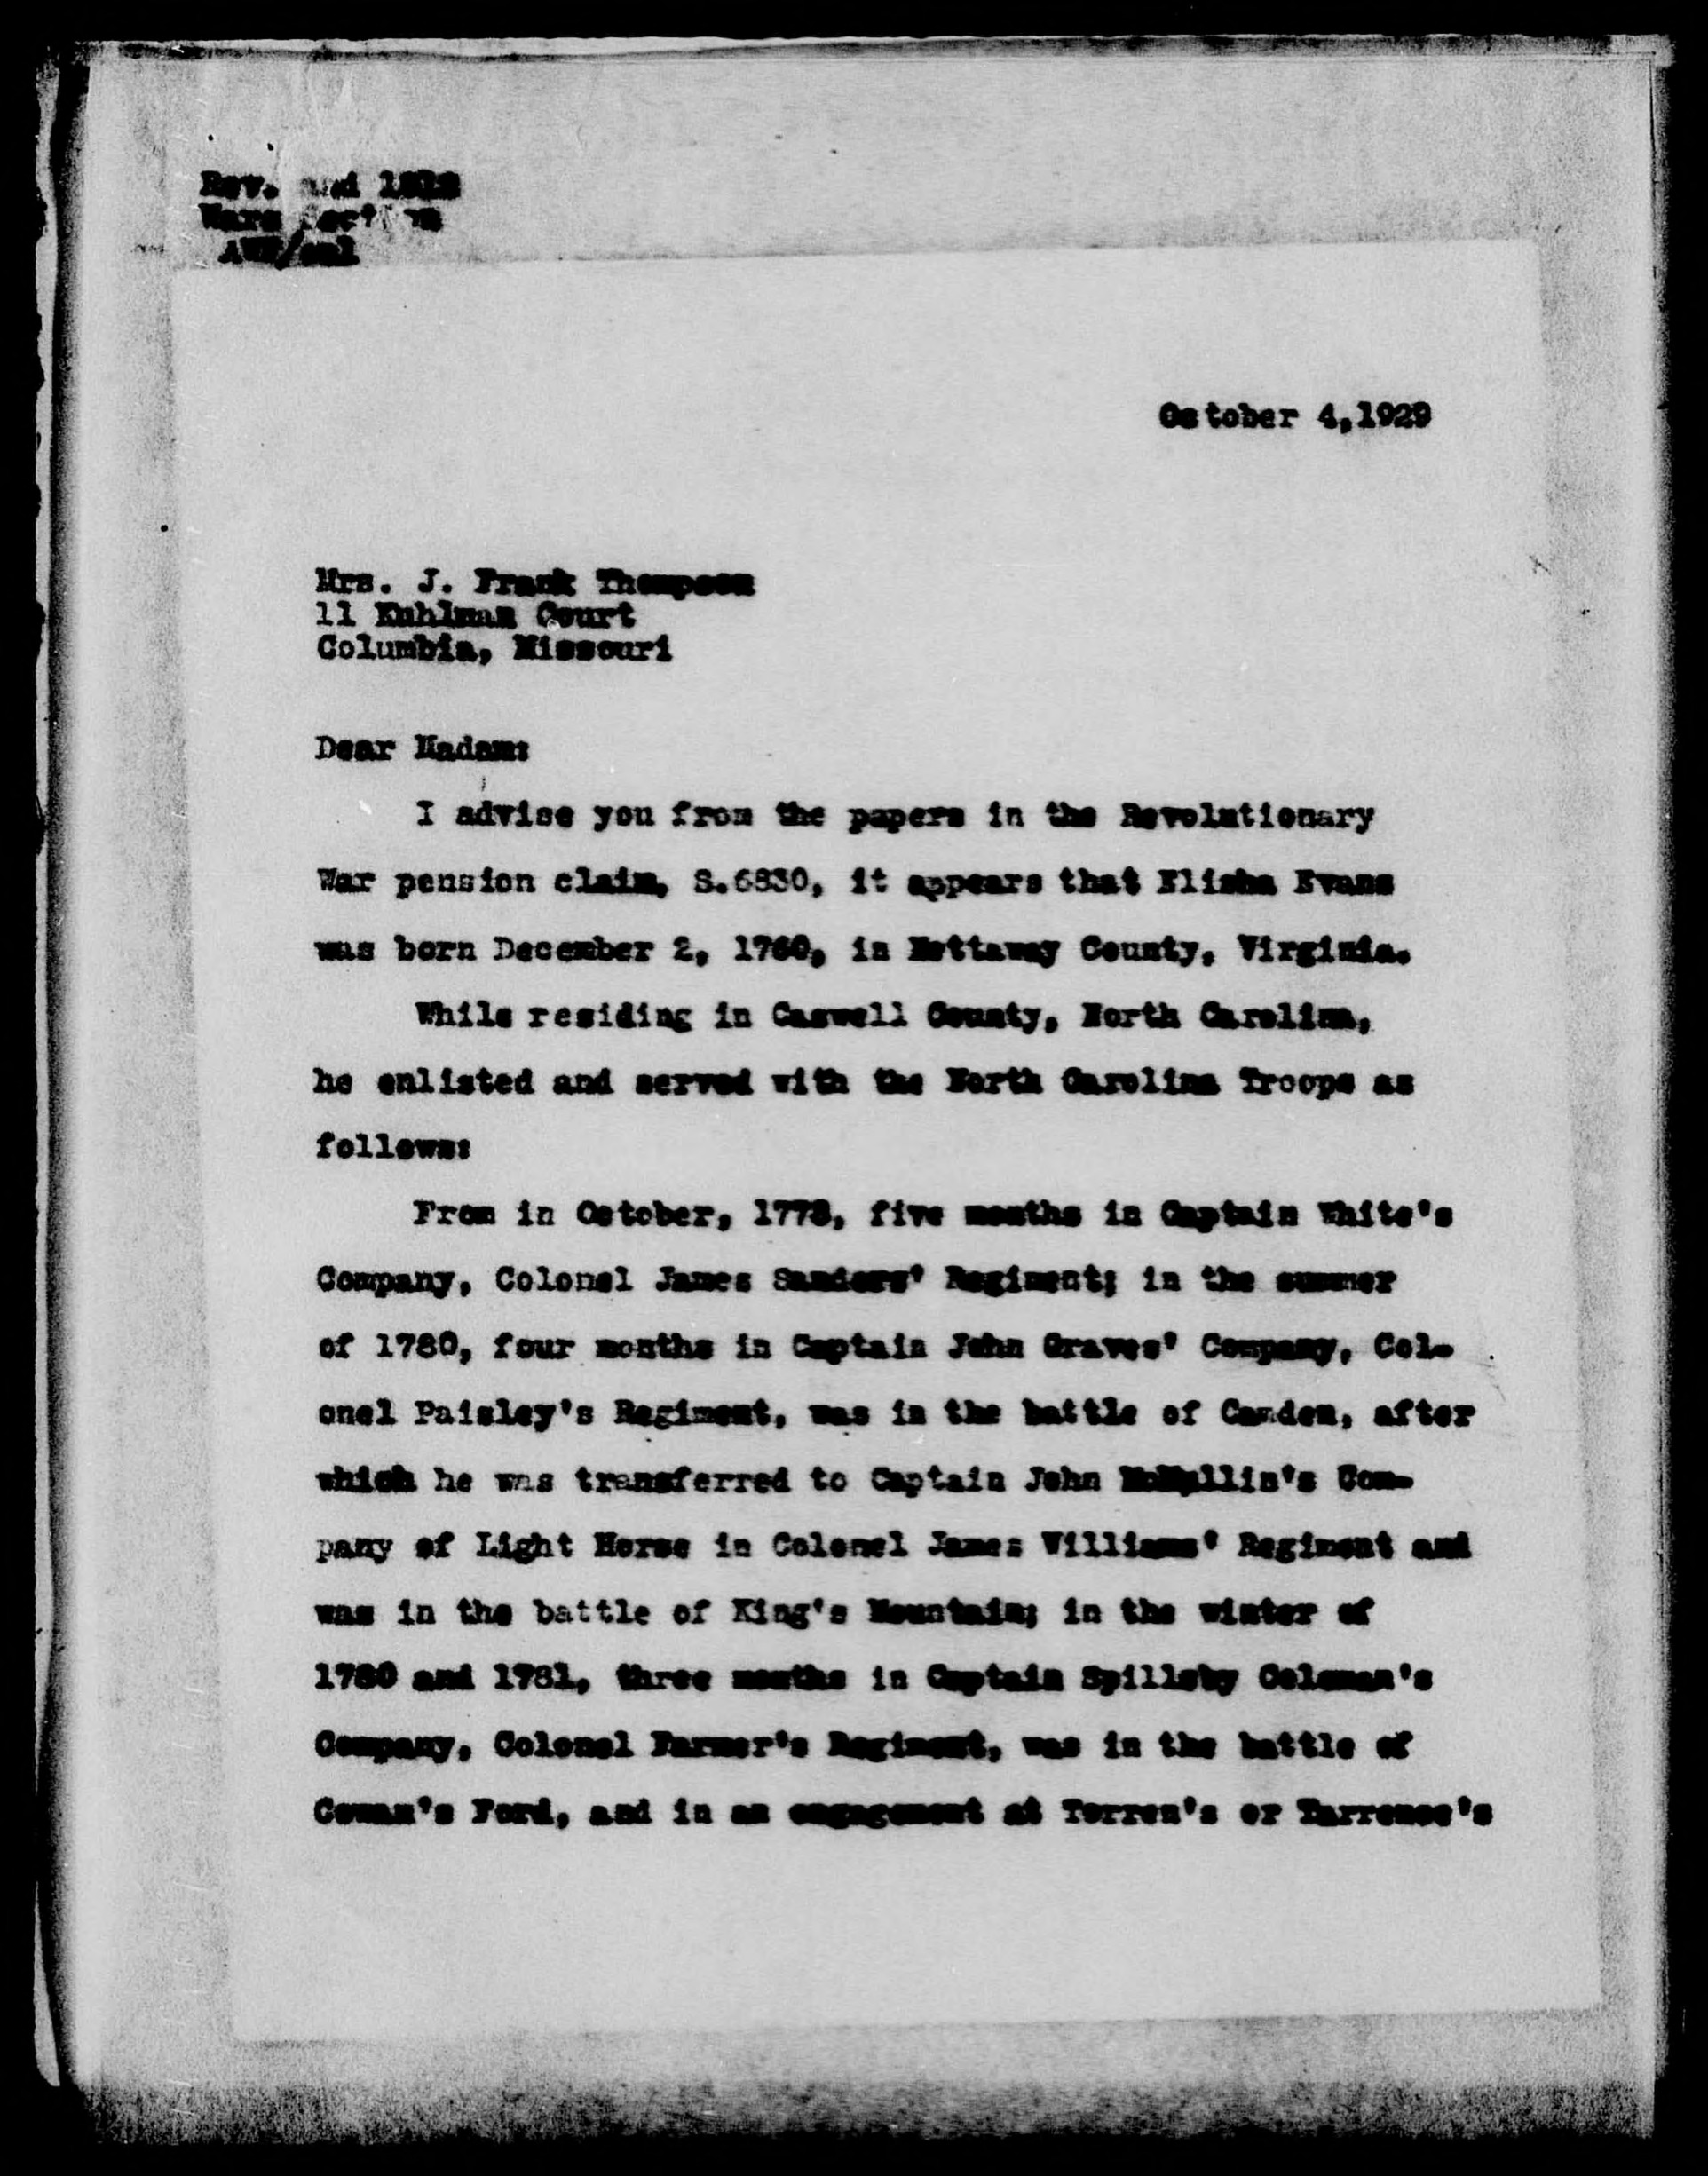Rev. and 1812 Wars Section
[illegible]

October 4, 1929

Mrs. J. Frank Thompson
11 Kuhlman Court
Columbia, Missouri

Dear Madam:

I advise you from the papers in the Revolutionary War pension claim, S.6830, it appears that Elisha Evans was born December 2, 1760, in Nottaway County, Virginia.

While residing in Caswell County, North Carolina, he enlisted and served with the North Carolina Troops as follows:

From in October, 1778, five months in Captain White's Company, Colonel James Sanders' Regiment; in the summer of 1780, four months in Captain John Graves' Company, Colonel Paisley's Regiment, was in the battle of Camden, after which he was transferred to Captain John Mallin's Company of Light Horse in Colonel James Williams' Regiment and
was in the battle of King's Mountain in the winter of 1780 and 1781, three months in Captain Spilsby Coleman's Company, Colonel Farmer's Regiment, was in the battle of
Coman's Ford, and in an engagement at Torren's or Tarrence's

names: Elisha Evans, J Frank Thompson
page: 17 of 29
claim: survivor's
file: S. 6830, Elisha Evans, N.C.